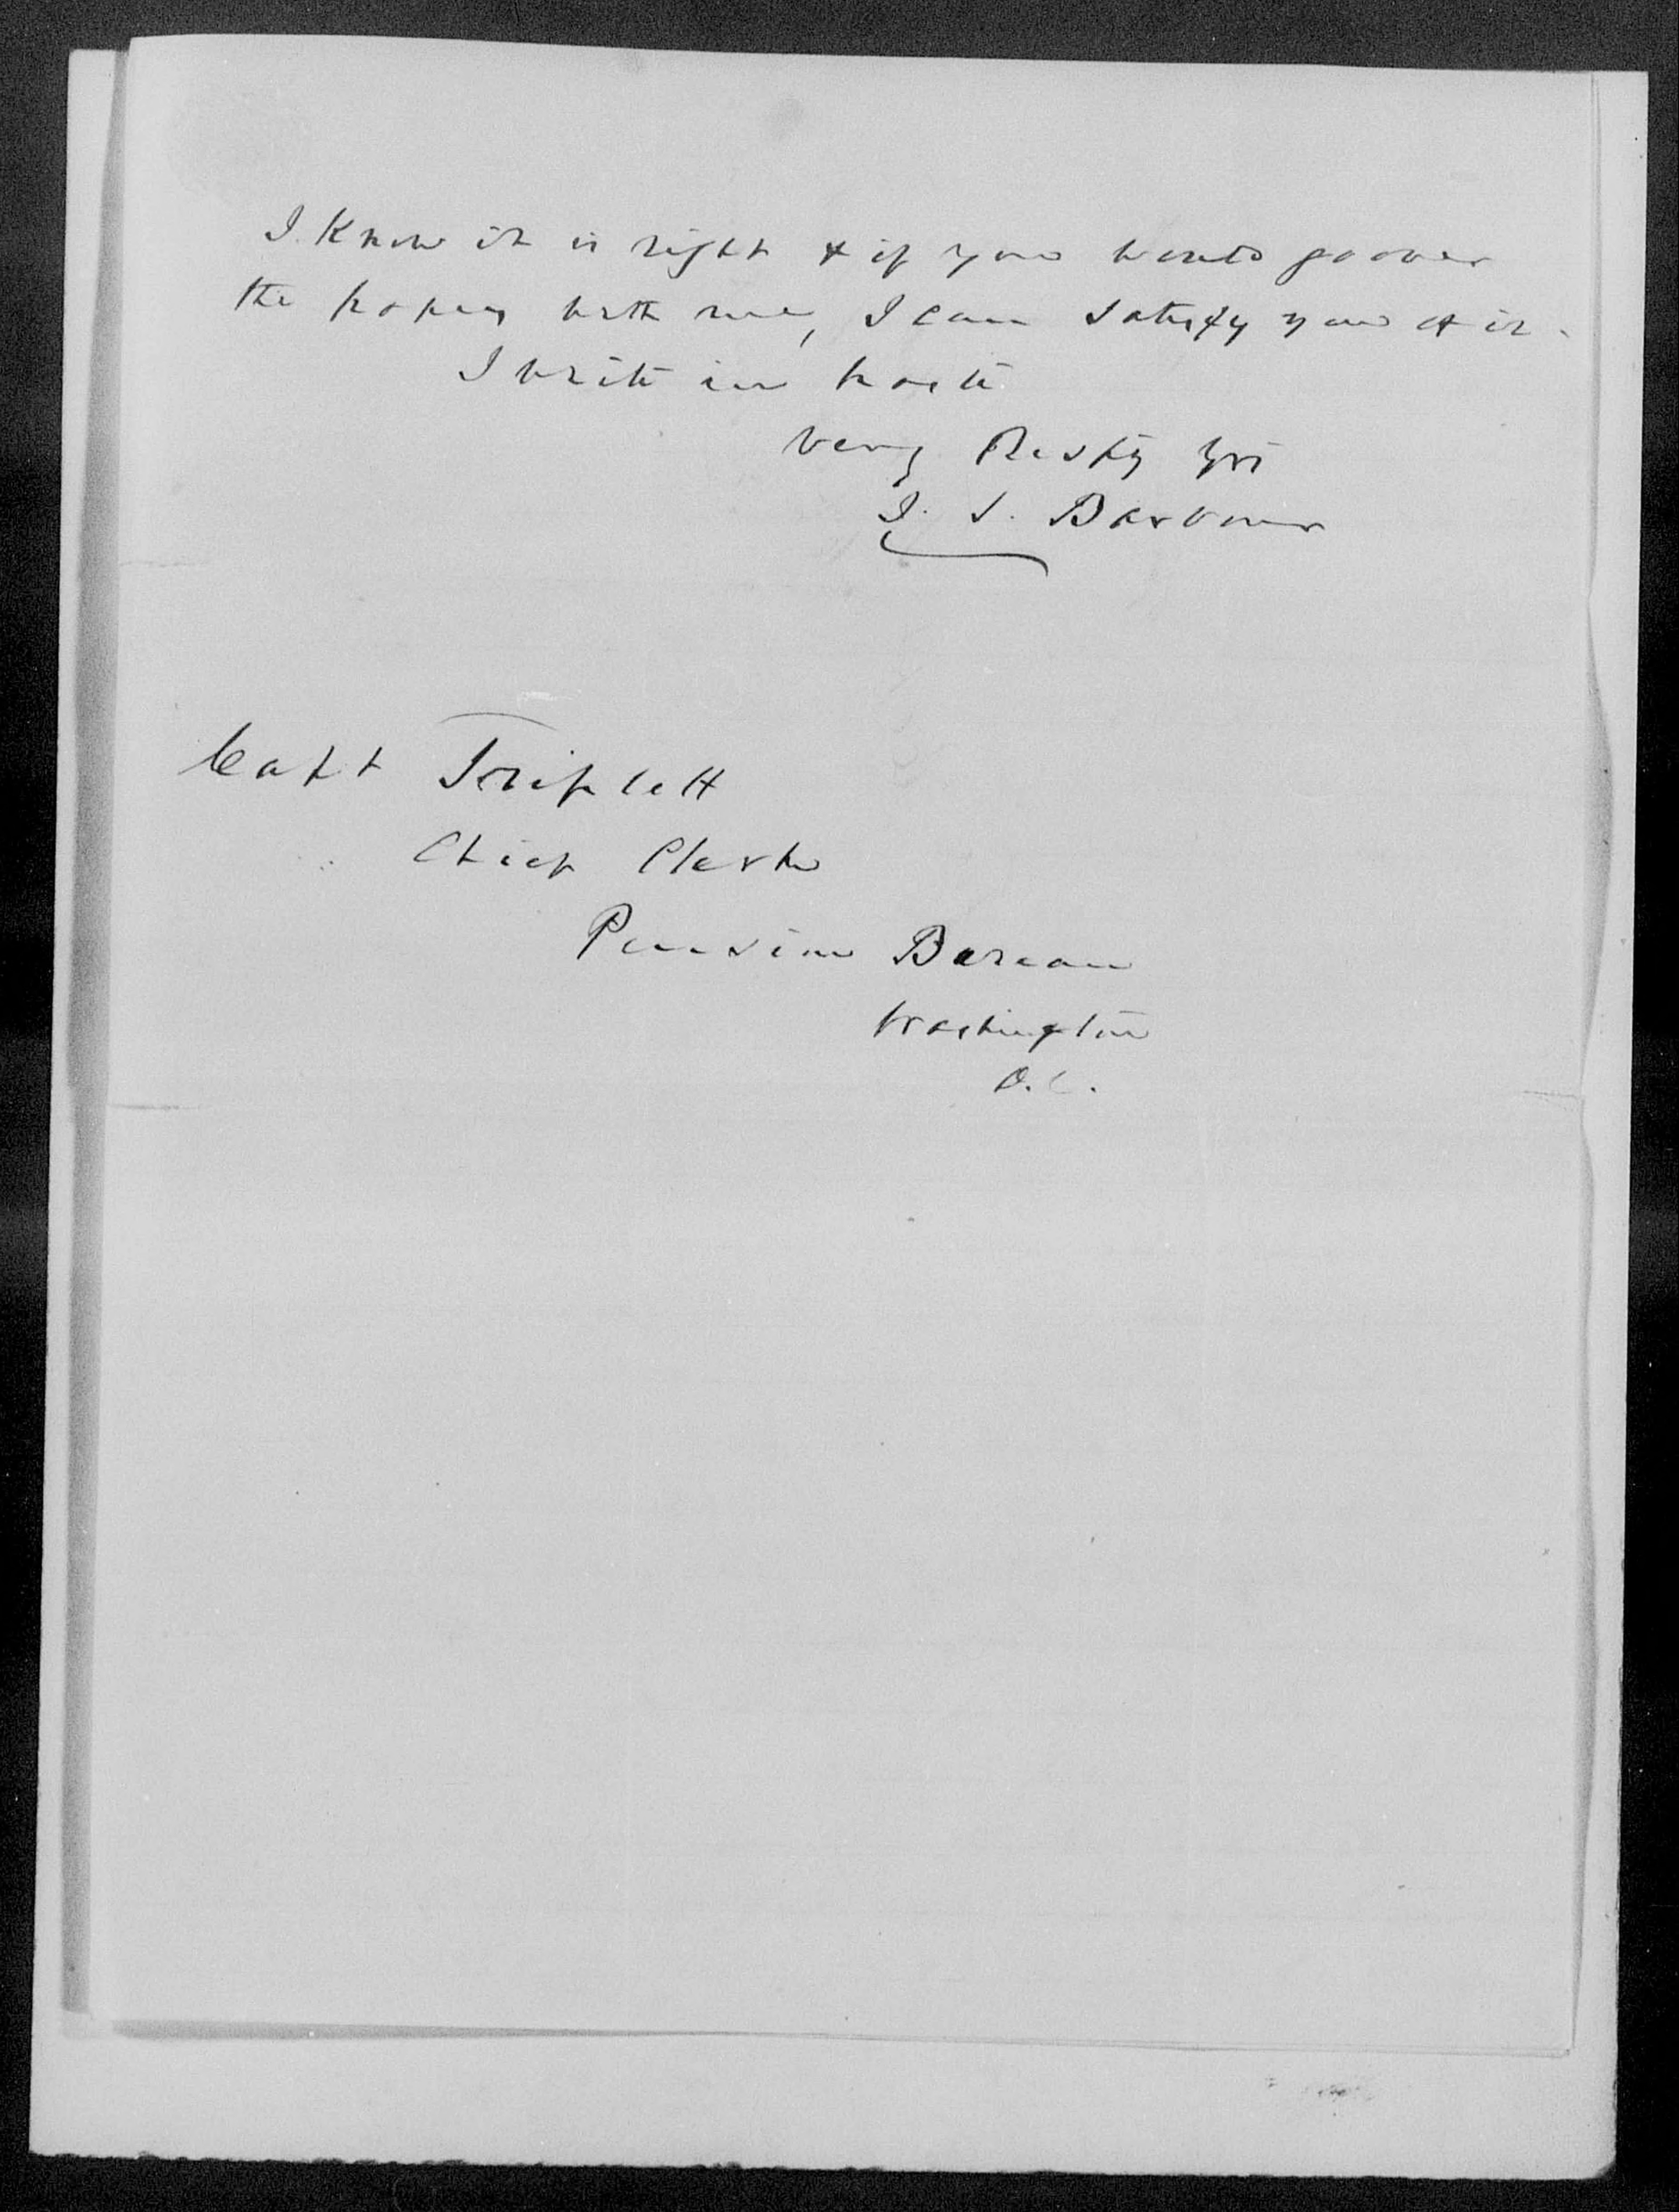I know it is right & if you want to go over the papers with me, I can satisfy you it is.
I write in haste.
Very Respy Yrs
J.S. Barbour


Capt. Triplett
Chief Clerk
PensionBureau
Washington D.C.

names: Triplett, J S Barbour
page: 190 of 267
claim: widow's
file: W. 4,149, William Campbell, Va.